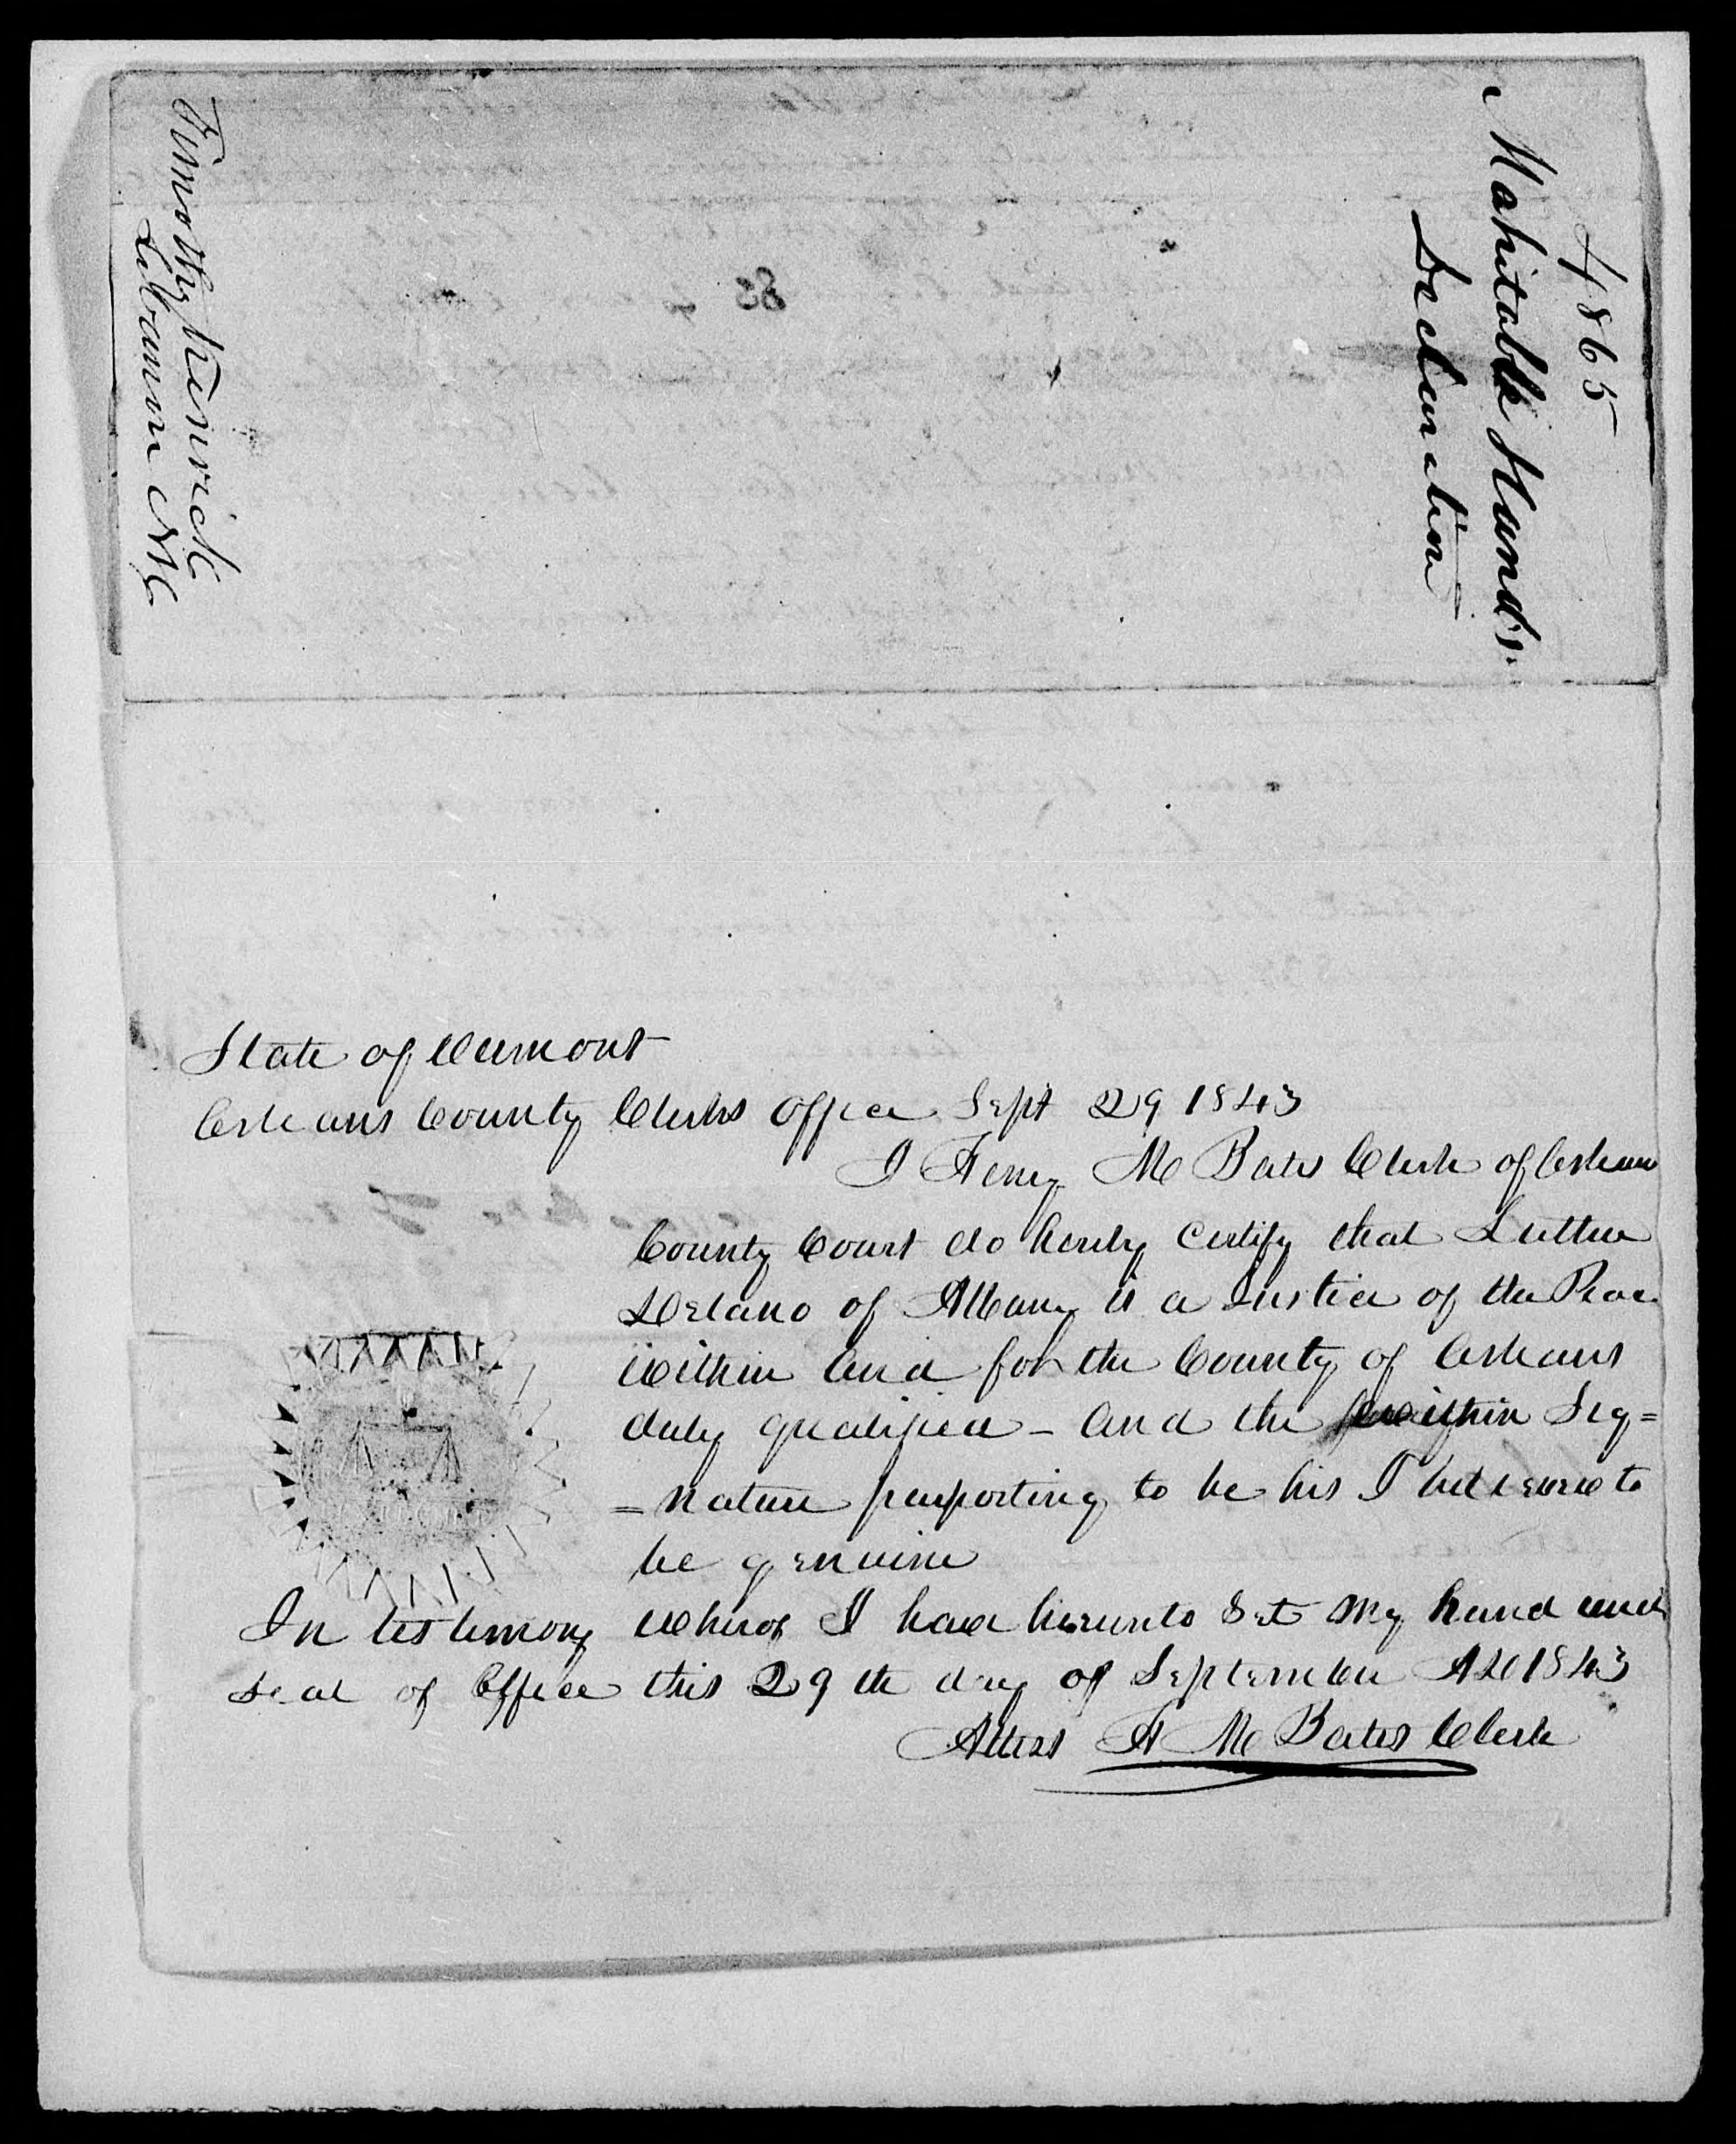State of Vermont
Orleans County Clerk's Office Sept 29, 1843
I Henry M Bates Clerk of Orlean
County Court do hereby certify that Luther
Delano of Albany is a Justice of the Peace
within and for the County of Orleans
duly qualified, and the within Sig
nature purporting to be his I believe to
be genuine
In testimony whereof I have hereunto set my hand and
Seal of Office this 29th day of September AD 1843
Attest A M Bates Clerk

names: Timothy Kenrick, Mahitable Hand, H M Bates, Henry M Bates, Luther Delano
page: 30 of 42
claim: widow's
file: W. 19,722, Ira Hand, N.H. Vt.